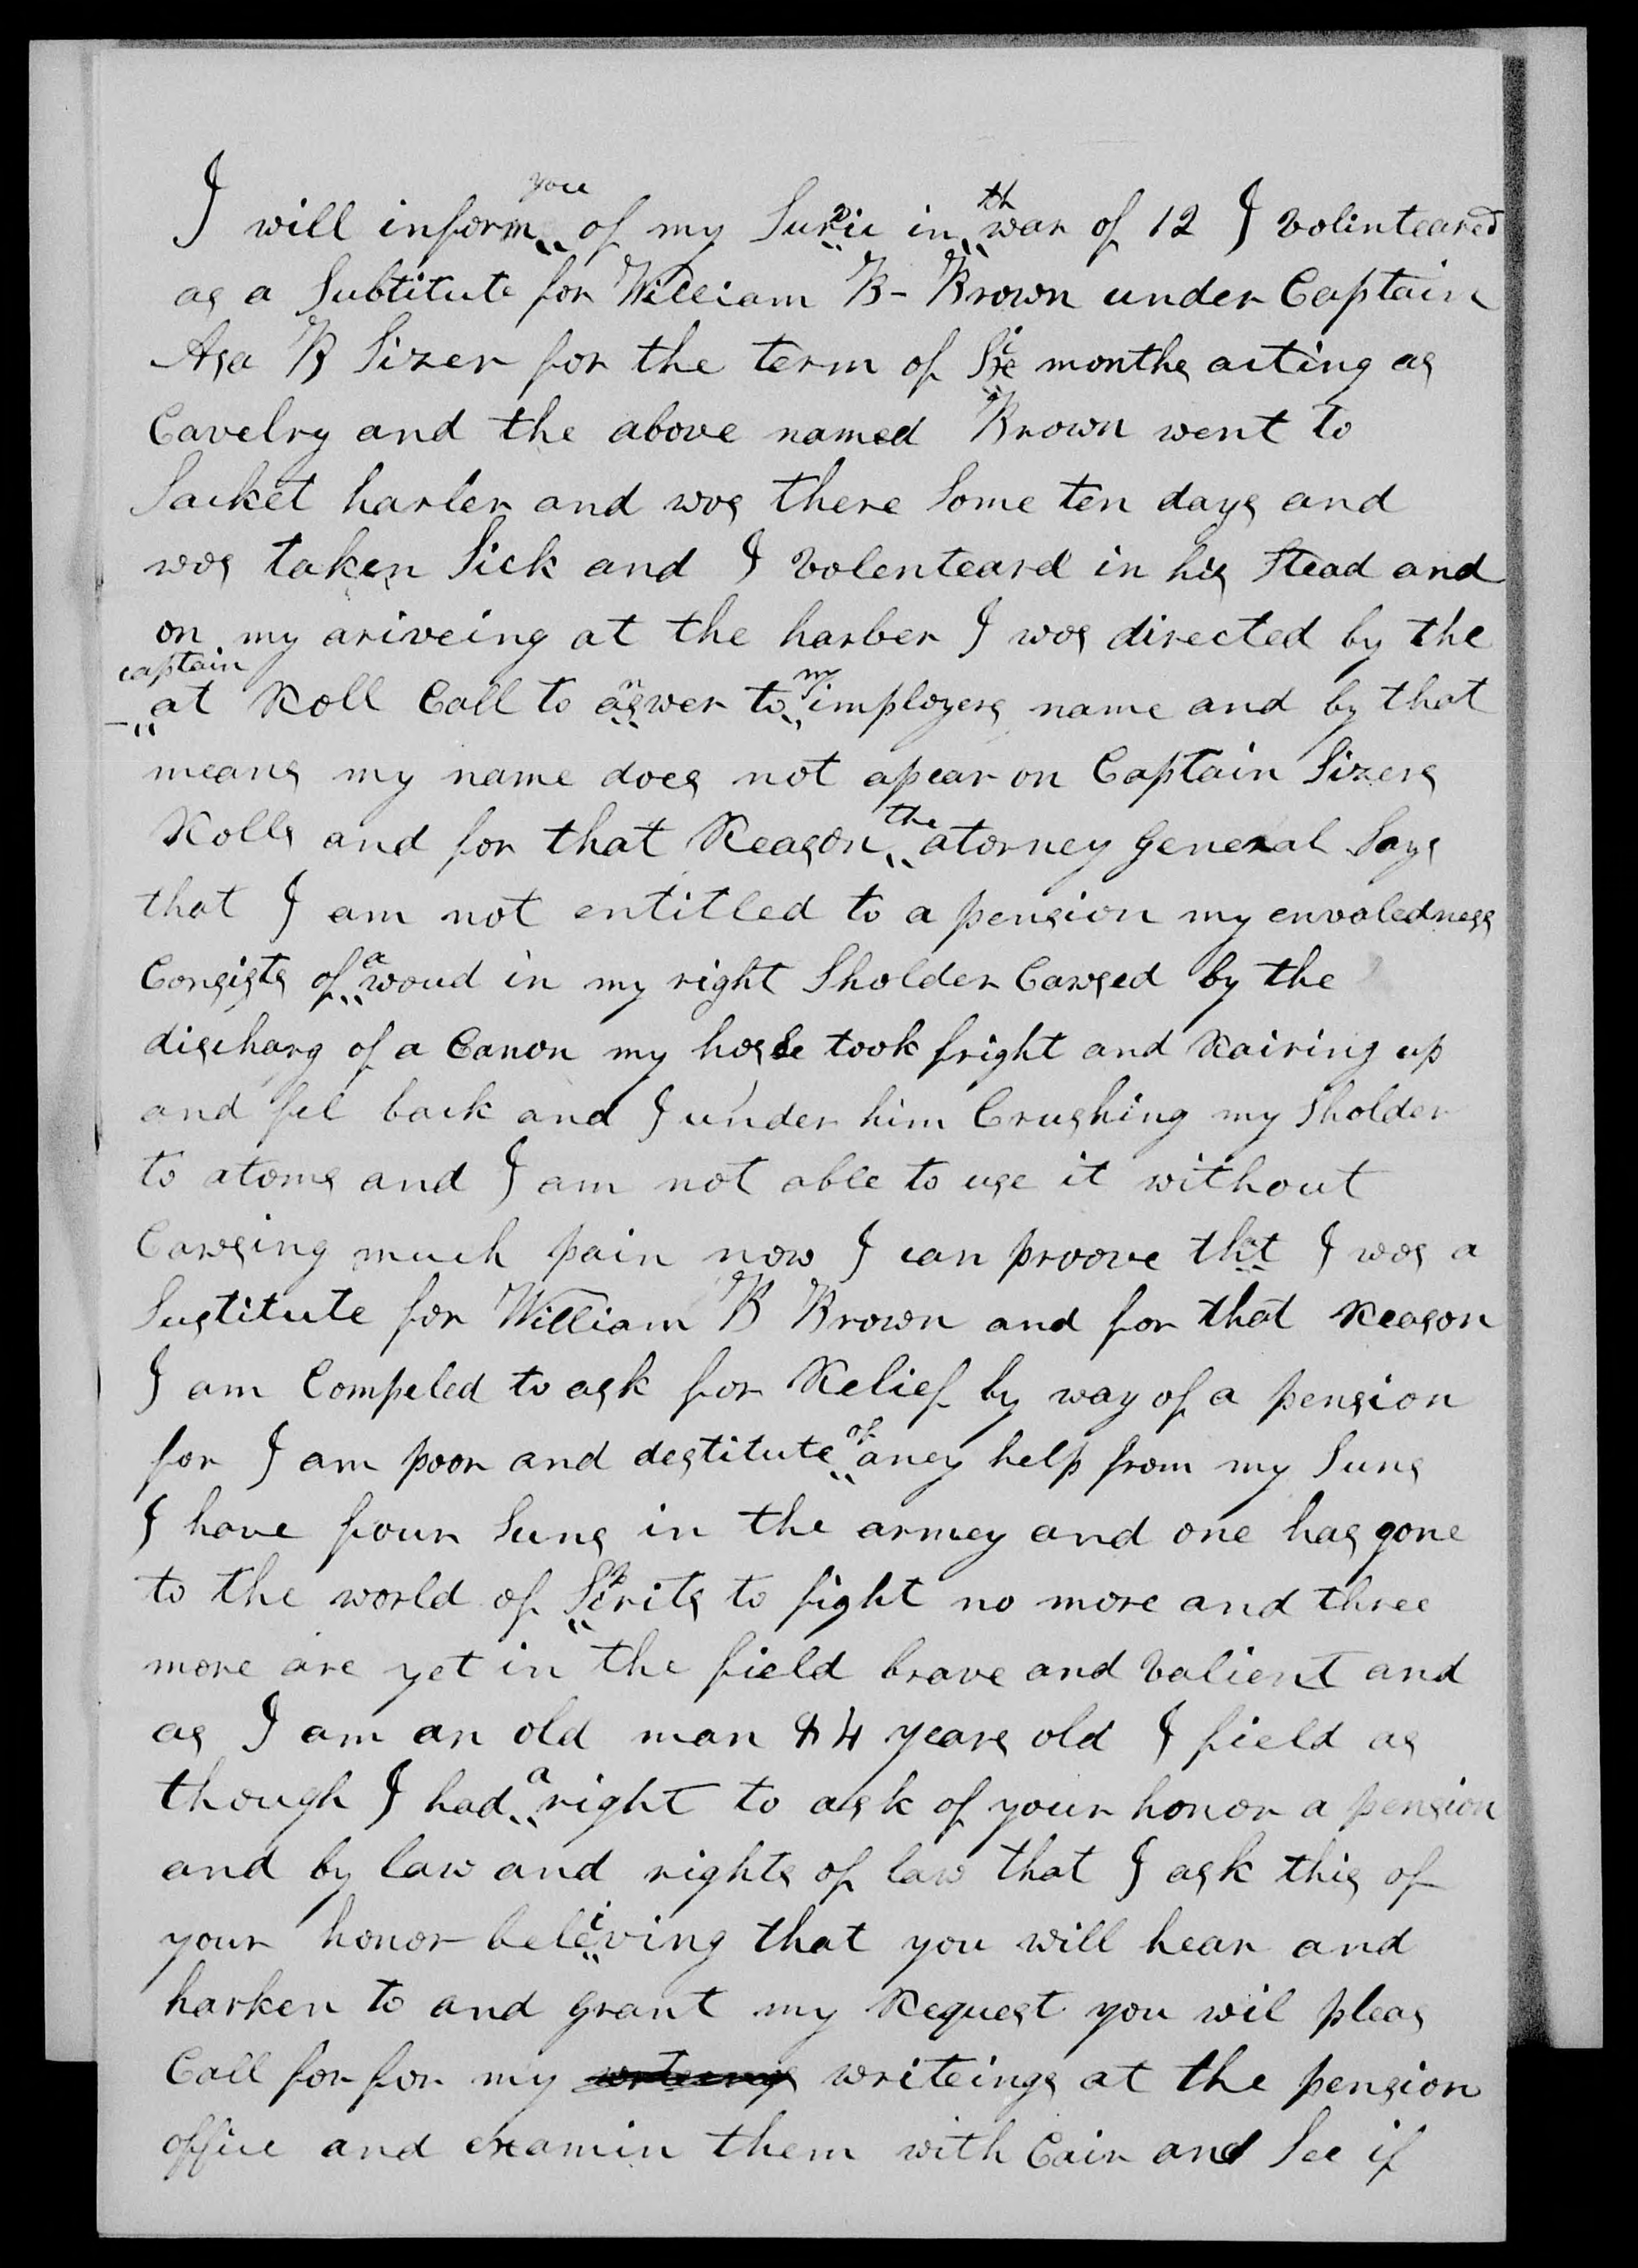I will inform you of my Survis in the war of 12 I volinteared as a Subtitute for William B. Brown under Captain Asa B Sizer for the term of Six months acting as Cavelry and the above named Brown went to Sacket harber and was there some ten days and was taken sick and I volenteared in his stead and on my arriving at the harber I was directed by the captain at Roll call to answer to my imployers name and by that means my name does not apear on Captain Sizers Rolls and for that Reason the atorney General Says that I am not entitled to a pension my envaledness consists of a woud in my right Sholder cawsed by the discharge of a Canon my horse took fright and rairing up and fel back and I under him Crushing my Sholder to atoms and I am not able to use it without Cawsing much pain now I can proove that I was a Sustitute for William B Brown and for that reason I am compeled to ask for Relief by way of a pension for I am poor and destitute of any help from my Suns I have four Suns in the armey and one has gone to the world of Spirits to fight no more and three more are yet in the field brave and valient and as I am an old man 84 years old I field as though I had a right to ask of your honor a pension and by law and rights of law that I ask this of your honor believing that you will hear and harken to and grant my Request you will pleas Call for for my writeings at the pension office and examine them with Cair and see if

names: William B Brown; Asa B Sizer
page: 18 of 44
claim: rejected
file: R. 17,033, for Joseph Perkins, New York